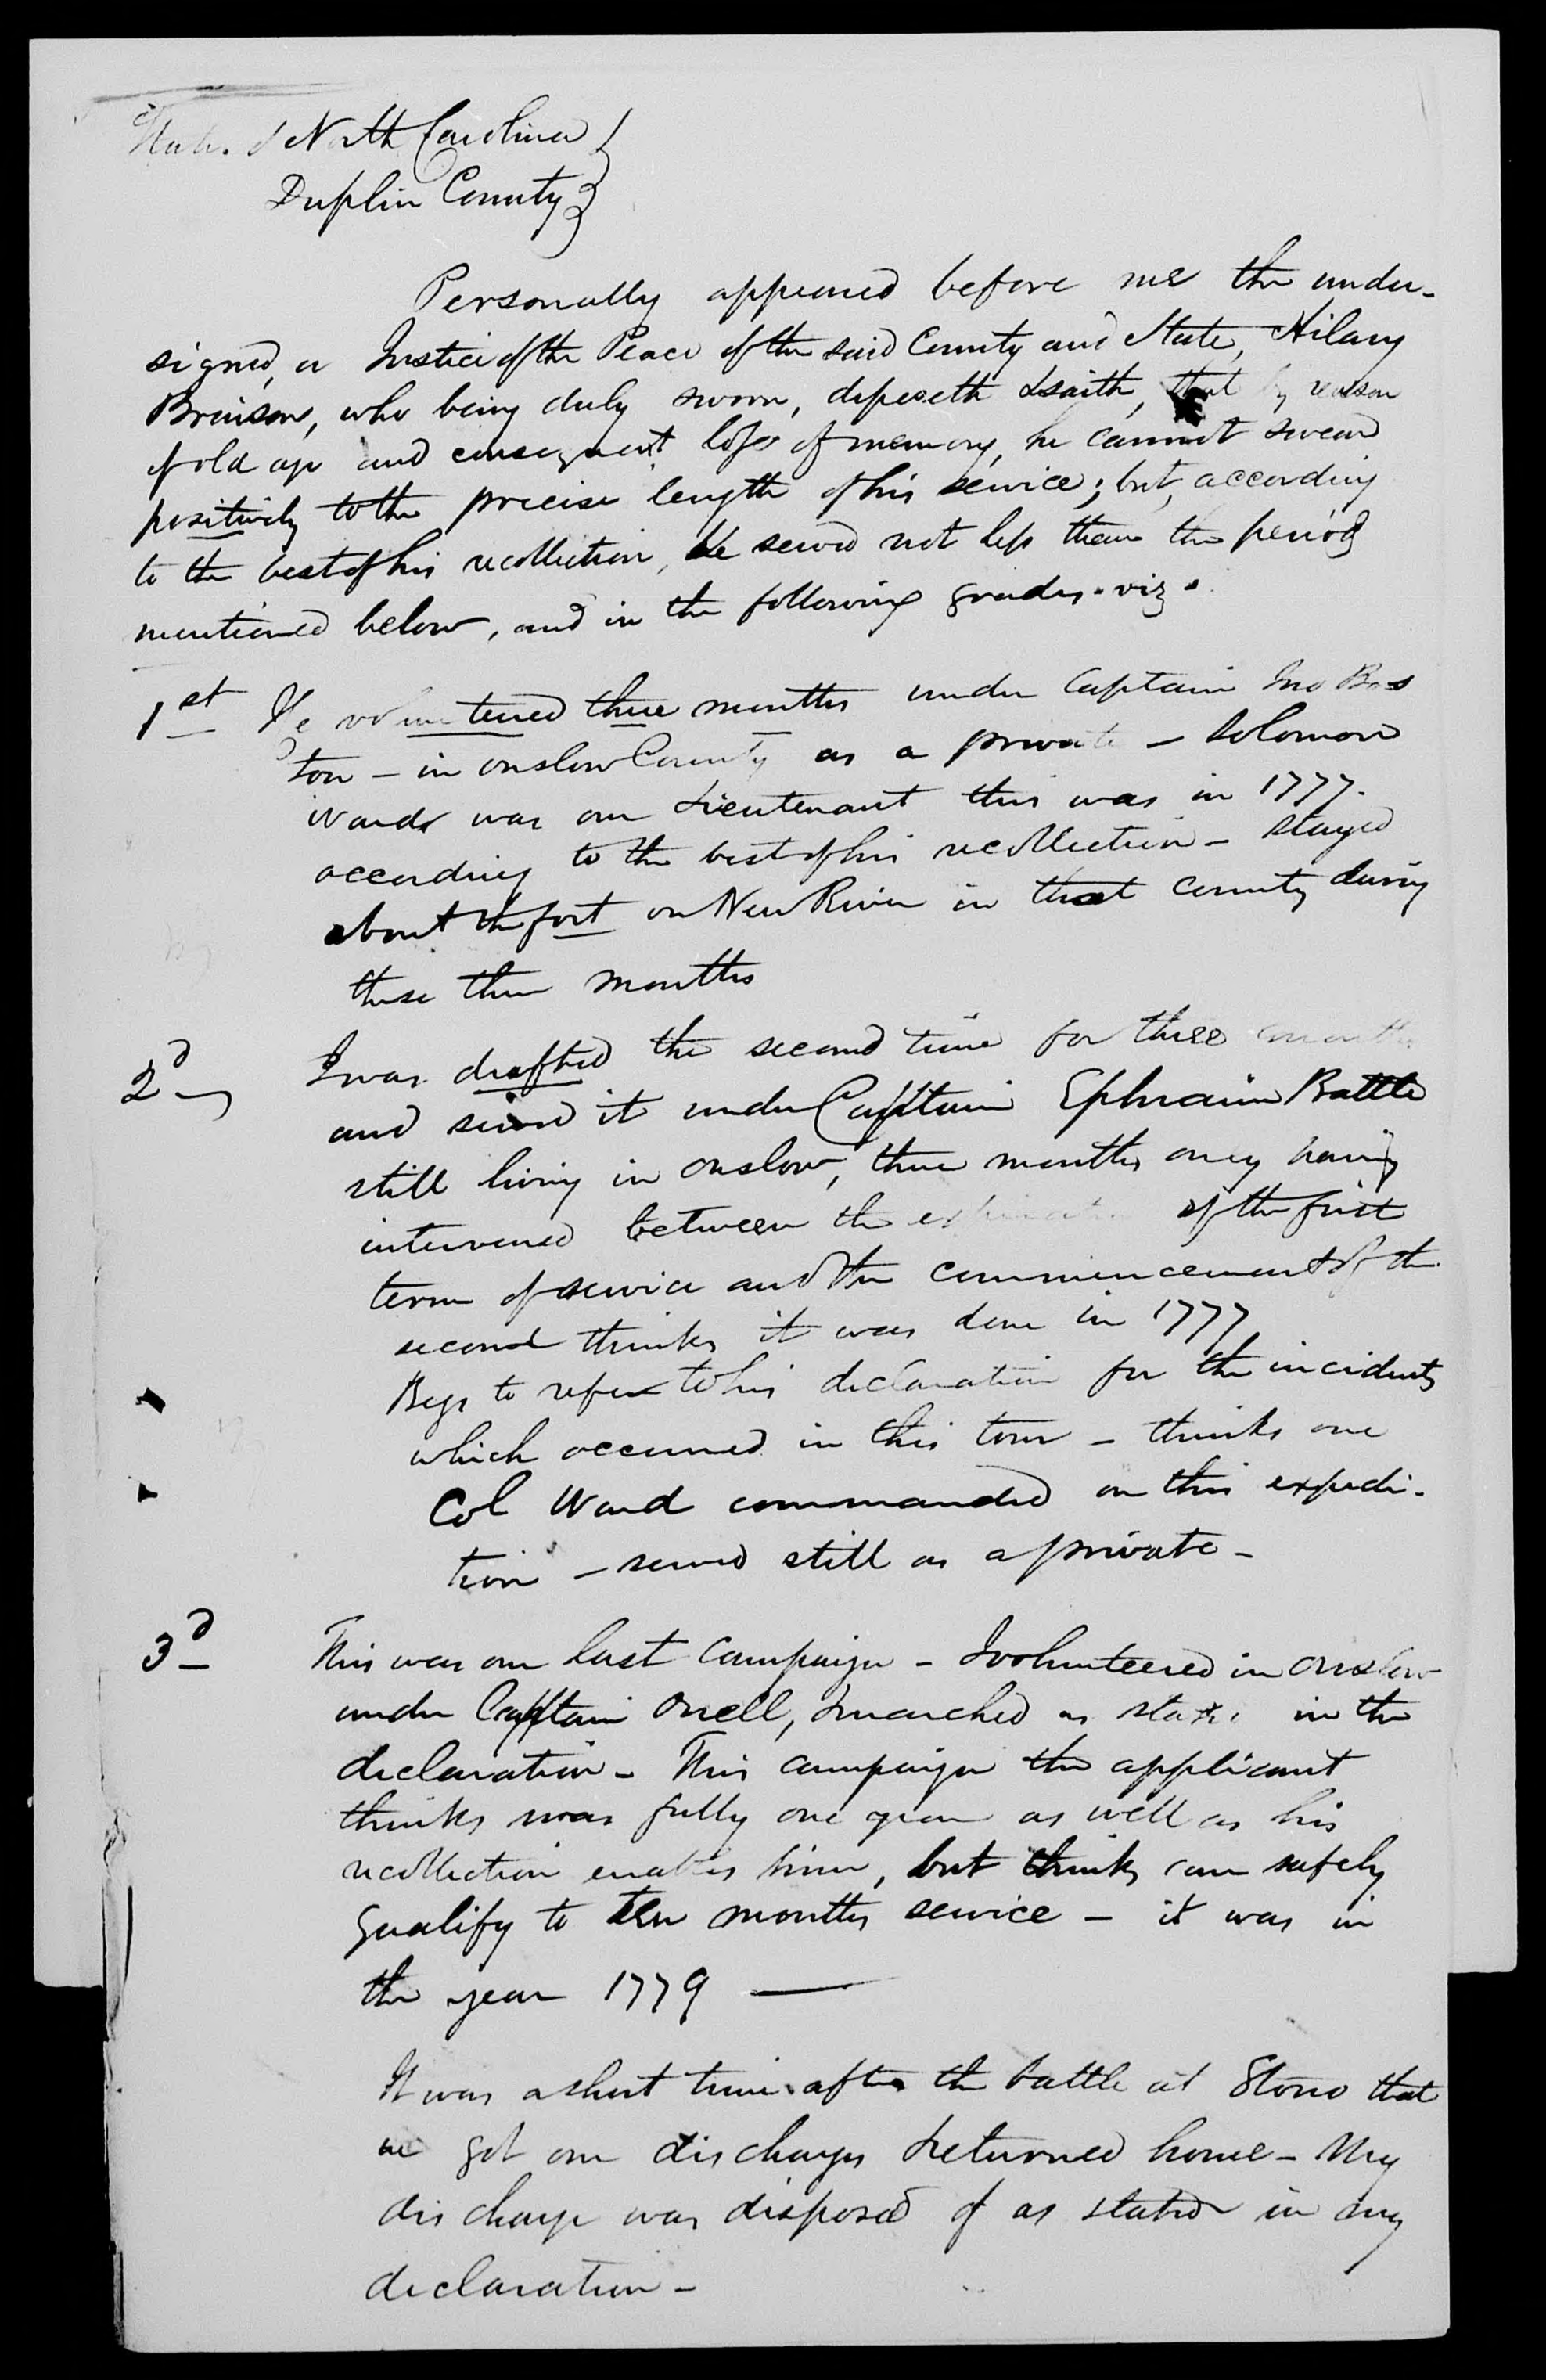State of North Carolina
Duplin County }

Personally appeared before me the undersigned, a Justice of the Peace of the said county and state, Hilary Brinson, who being duly sworn, deposeth and saith, that by reason of old age and consequent loss of memory, he cannot swear positively to the precise length of his service; but according to the best of his recollection, he served not less than the period mentioned below, and in the following grades viz:

1st- He volunteered three months under Captain Jno Boston- in Onslow county as a private- Soloman Warder was our Lieutenant this was in 1777. according to the best of his recollection- stayed about the fort on New River in that county during those three months

2nd. I was drafted the second time for three months and served it under Captain Ephraim Battle still living in Onslow, three months, [illegible] having intervened between the expiration of the first term of service and the commencement of the second thinks it was done in 1777. says to refer to his declaration for the incident which occurred in this tour- thinks  one Col Ward commanded on this expedition- served still as a private.

3rd. This was our last campaign- I volunteered in Onslow under Captain Onell, marched as stated in the declaration- This campaign the applicant thinks was fully one year as well as his recollection enables him, but things can safely qualify to ten months service- it was in the year 1779-

It was a short time after the battle at Stono that we got our discharges retuned home- my discharge was disposed of as stated in my declaration -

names: Ward, Onell, Hilary Brinson, Ephraim Battle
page: 25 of 38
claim: widow's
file: W. 5231, Hilary Brinson, N.C.